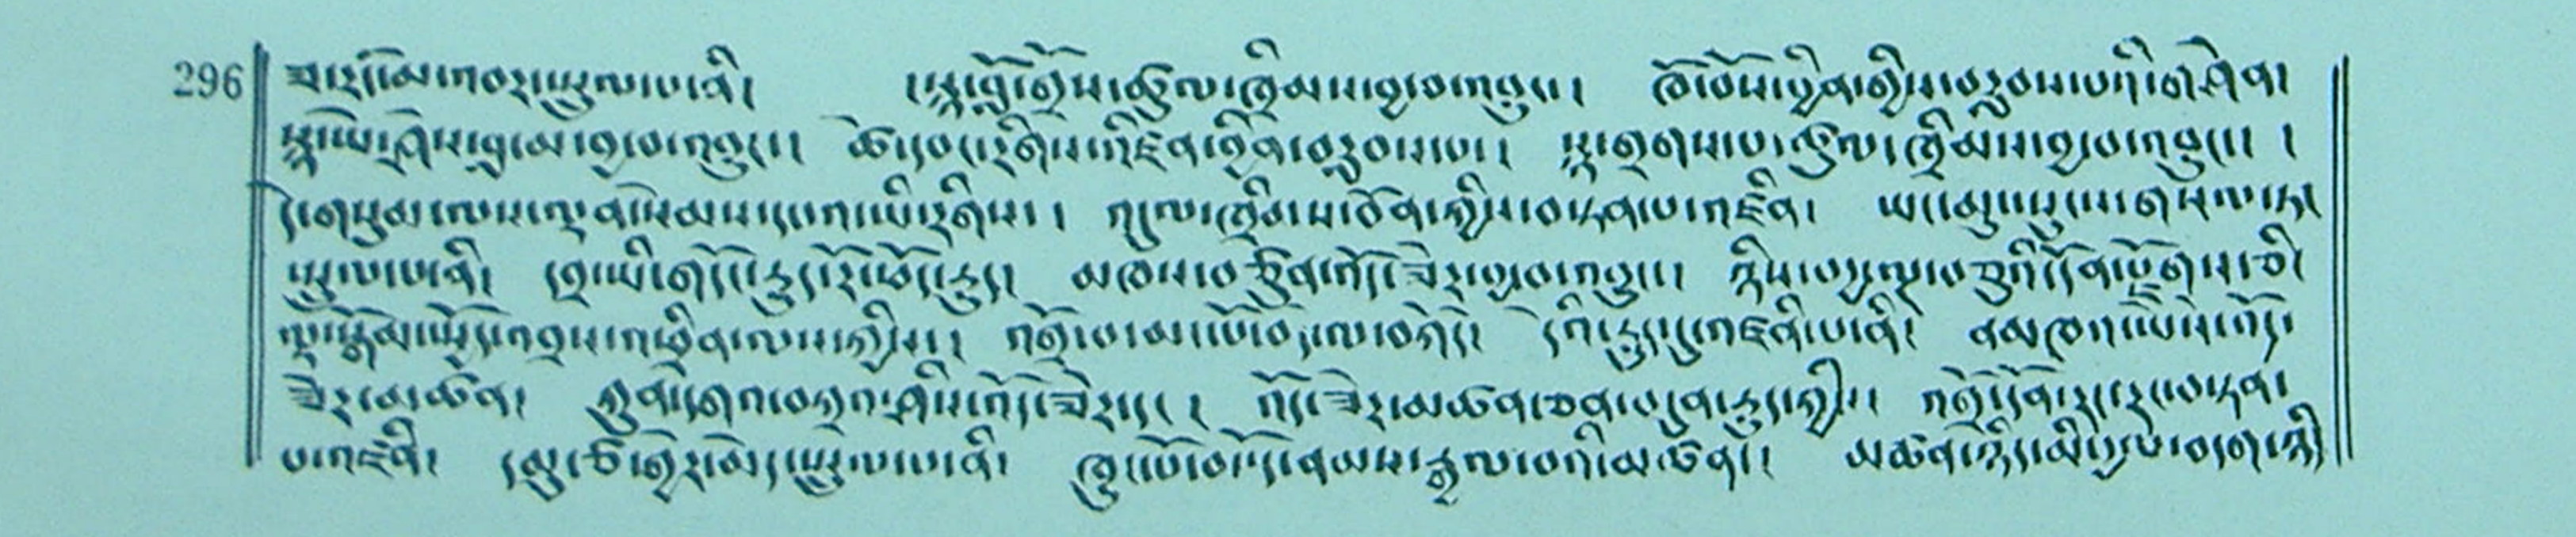ཟ་རིང་མེ་འབར་སྤྲུལ་པ་ན། སྙ་བློ་གྲོས་ཚུལ་ཁྲིམས་བྱ་བ་འབྱུང་། ཁོ་བོས་བྱིན་གྱིས་རླབས་པའི་གཤེན། 
སྙ་ཡེ་ཤེས་བླ་མ་བྱ་བ་འབྱུང་། ཚེ་དབང་རིགས་འཛིན་བྱིན་རླབས་ལས། སྙ་གྲགས་པ་ཚུལ་ཁྲིམས་བྱ་བ་འབྱུང་། 
དེ་གསུམ་ལས་ལྡན་སེམས་དཔའ་ཡི་རིགས། འདུལ་ཁྲིམས་བོན་གྱི་བསྟན་པ་འཛིན། ཡང་མུ་སྤུངས་གསལ་ཏང་
སྤྲུལ་པ་ནི། དབྲ་ཡི་གདུང་རྒྱུད་རོ་ཕོད་རྒྱུད། མཁས་བཙུན་འོད་ཟེར་བྱ་བ་འབྱུང་། ཉིས་བརྒྱ་ལྔ་བཅུའི་དོན་རྫོགས་ཅིང་།
 ལྟ་སྒོམ་སྤྱོད་འབྲས་ཕྲིན་ལས་ཀྱིས། འགྲོ་བ་མང་པོ་བདེ་ལ་བཀོད། དེ་ཡི་རྒྱུད་དུ་འཛིན་པ་ནི། ནམ་མཁའ་ཡེ་ཤེས་འོད་
ཟེར་མཚན། ཀུན་དགའ་བཀྲ་ཤིས་འོད་ཟེར་མཚན། འོད་ཟེར་མཚན་ཅན་བདུན་རྒྱུད་ཀྱིས། འགྲོ་དོན་རང་རང་བསྟན་
པ་འཛིན། དམུ་ཙ་གྱེར་མེད་སྤྲུལ་པ་ནི། ཁྱུང་བོ་བསོད་ནམས་རྒྱལ་བའི་མཚན། མཚན་ཉིད་མི་རྒྱལ་བདག་ཉིད་